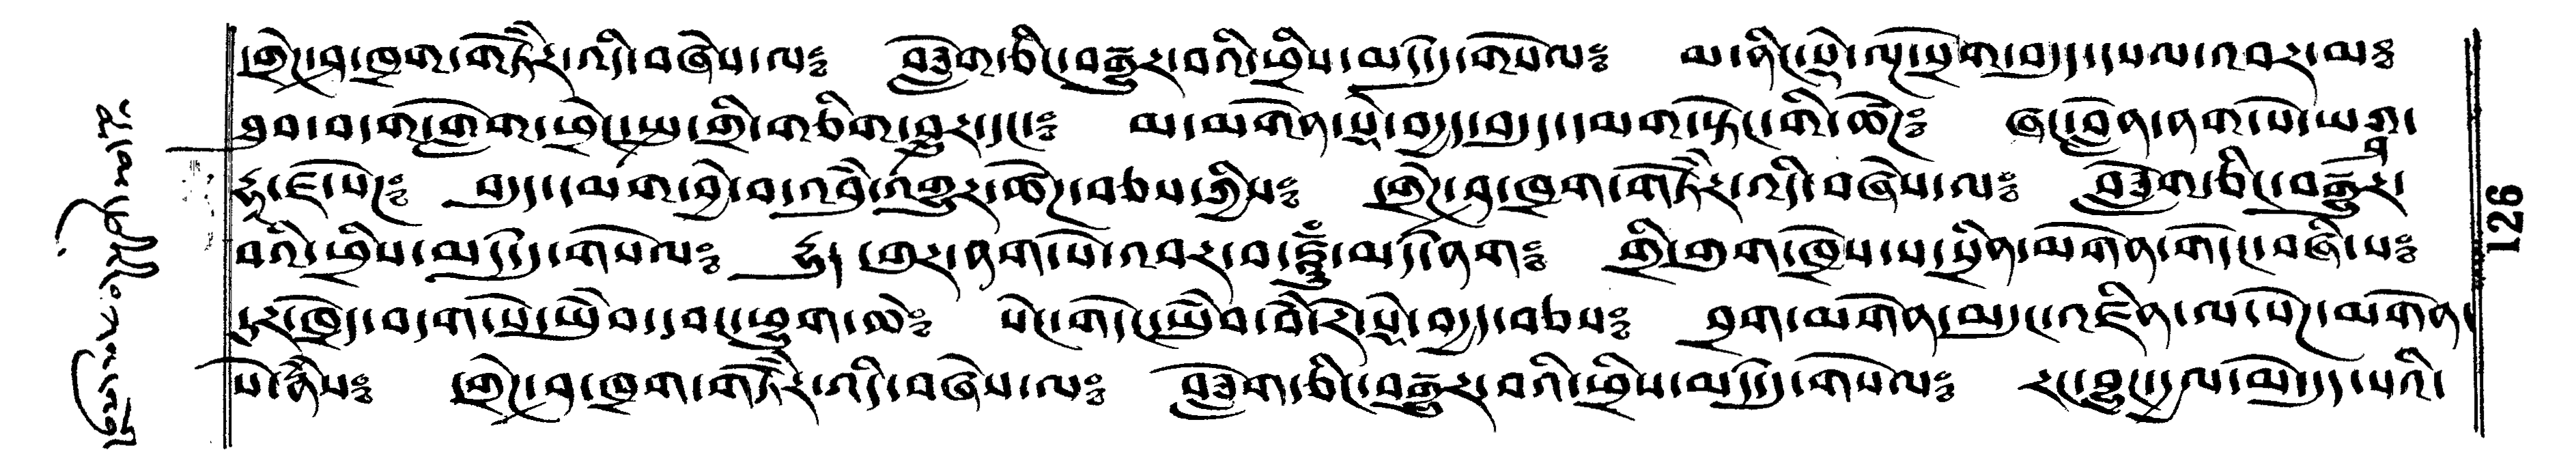དགྲ་བགེགས་ཤ་ཁྲག་གཏོར་མ་འདི་བཞེས་ལ༔ བཟློག་ཅིང་བསྒྱུར་བའི་ཕྲིན་ལས་མཛད་དུ་གསོལ༔ མ་ནིང་སྡེ་ལྔ་སྲོག་བདུད་དཔལ་འབར་མ༔ 
ཐུབ་བདག་གློག་ཕྲེང་སྤུ་གྲི་གཅིག་ཤུར་དང༔ མ་མགོན་སྡེ་བརྒྱད་བདུད་དམག་སྟོང་གི་ཚོགས༔ ཞང་བློན་ནག་པོ་ཡཀྴ་
དྷཱ་ཛ་སོགས༔ བདུད་དམག་བྱེད་བ་འབུམ་འགྱུར་ཚོགས་བཅས་ཀྱིས༔ དགྲ་བགེགས་ཤ་ཁྲག་གཏོར་མ་འདི་བཞེས་ལ༔ བཟློག་ཅིང་བསྒྱུར་
བའི་ཕྲིན་ལས་མཛད་དུ་གསོལ༔ རྒྱུད་གུར་ནག་པོ་འབར་བ་ཧཱུྃ་མཛད་ནག༔ གྲི་གུག་ཁྲོས་པ་སྲིན་མགོན་གདོང་བཞི་པ༔ 
དུར་ཁྲོད་བདག་པོ་ཡབ་ཡུམ་དབང་ཕྱུག་ཆེ༔ སེང་གདོང་ཡབ་ཡུམ་བམ་རོ་སྡེ་བརྒྱད་བཅས༔ བྲག་མགོན་མདུང་འཛིན་ལ་སོགས་མགོན་
པོ་རྣམས༔ དགྲ་བགེགས་ཤ་ཁྲག་གཏོར་མ་འདི་བཞེས་ལ༔ བཟློག་ཅིང་བསྒྱུར་བའི་ཕྲིན་ལས་མཛད་དུ་གསོལ༔ རང་བྱུང་རྒྱལ་མོ་དུད་པའི་